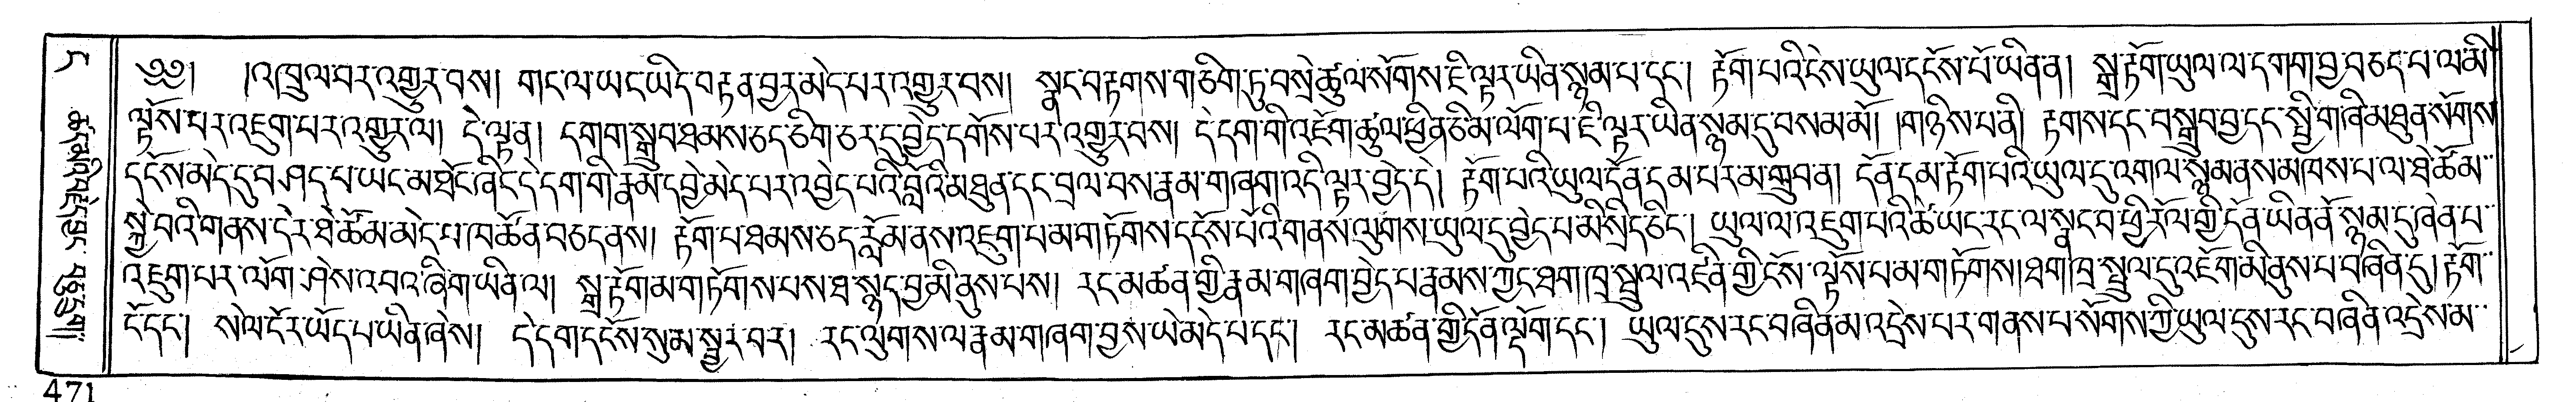༄༅། །འཁྲུལ་བར་འགྱུར་བས། གང་ལ་ཡང་ཡིད་བརྟན་བྱར་མེད་པར་འགྱུར་བས། སྣང་བརྟགས་གཅིག་ཏུ་བསྲེ་ཚུལ་སོགས་ཇི་ལྟར་ཡིན་སྙམ་པ་དང་། རྟོག་པའི་ངེས་ཡུལ་དངོས་པོ་ཡིན་ན། སྒྲ་རྟོག་ཡུལ་ལ་དགག་བྱ་བཅད་པ་ལ་མི་
ལྟོས་པར་འཇུག་པར་འགྱུར་ལ། དེ་ལྟ་ན། དགག་སྒྲུབ་ཐམས་ཅད་ཅིག་ཅར་དུ་བྱེད་དགོས་པར་འགྱུར་བས། དེ་དག་གི་འཇོག་ཚུལ་ཕྱིན་ཅི་མ་ལོག་པ་ཇི་ལྟར་ཡིན་སྙམ་དུ་བསམ་མོ། །གཉིས་པ་ནི། རྟགས་དང་བསྒྲུབ་བྱ་དང་སྤྱི་གཞི་མཐུན་སོགས་
དངོས་མེད་དུ་བཤད་པ་ཡང་མཐོང་ཞིང་དེ་དག་གི་རྣམ་དབྱེ་མེད་པར་འབྱེད་པའི་བློའི་མཐུན་དང་བྲལ་བས་རྣམ་གཞག་འདི་ལྟར་བྱེད་དེ། རྟོག་པའི་ཡུལ་དོན་དམ་པར་མ་གྲུབ་ན། དོན་དམ་རྟོག་པའི་ཡུལ་དུ་འགལ་སྙམ་ནས་མཁས་པ་ལ་ཐེ་ཚོམ་
སྐྱེ་བའི་གནས་དེར་ཐེ་ཚོམ་མེད་པ་ཁ་ཚོན་བཅད་ནས། རྟོག་པ་ཐམས་ཅད་རློམ་ནས་འཇུག་པ་མ་གཏོགས་དངོས་པོའི་གནས་ལུགས་ཡུལ་དུ་བྱེད་པ་མི་སྲིད་ཅིང་། ཡུལ་ལ་འཇུག་པའི་ཚེ་ཡང་རང་ལ་སྣང་བ་ཕྱི་རོལ་གྱི་དོན་ཡིན་ནོ་སྙམ་དུ་ཞེན་པ་
འཇུག་པས་ལོག་ཤེས་འབའ་ཞིག་ཡིན་ལ། སྒྲ་རྟོག་མ་གཏོགས་པས་ཐ་སྙད་བྱ་མི་ནུས་པས། རང་མཚན་གྱི་རྣམ་གཞག་བྱེད་པ་རྣམས་ཀྱང་ཐག་ཁྲ་སྦྲུལ་འཛིན་གྱི་ངོ་ལ་ལྟོས་པ་མ་གཏོགས། ཐག་ཁྲ་སྦྲུལ་དུ་འཇོག་མི་ནུས་པ་བཞིན་དུ། རྟོག་
ངོ་དང་། སེལ་ངོར་ཡོད་པ་ཡིན་ཞེས། དེ་དག་དངོས་སུ་མ་སྦྱར་བར། རང་ལུགས་ལ་རྣམ་གཞག་བྱ་ས་ཡེ་མེད་པ་དང་། རང་མཚན་གྱི་དོན་ལྡོག་དང་། ཡུལ་དུས་རང་བཞིན་མ་འདྲེས་པར་གནས་པ་སོགས་ཀྱི་ཡུལ་དུས་རང་བཞིན་འདྲེས་མ་